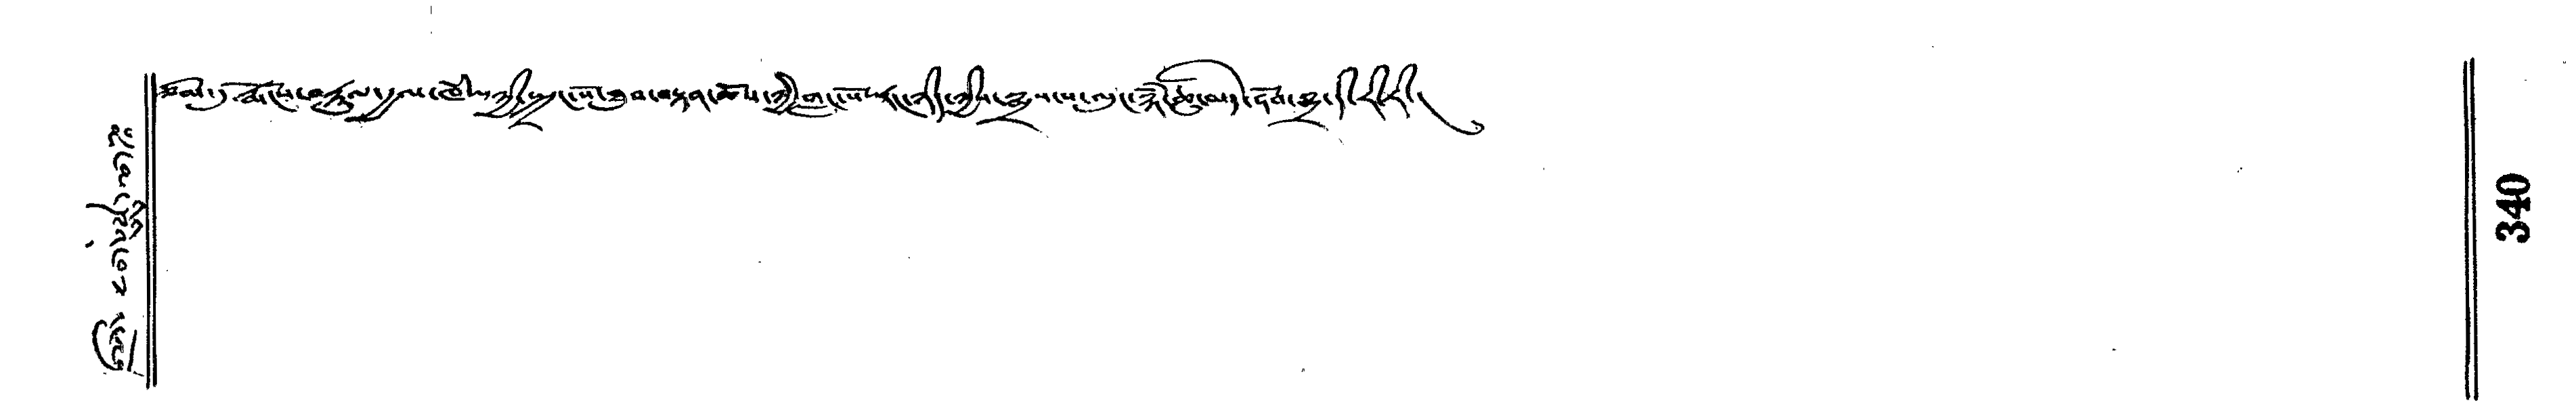ཙམ་དུ་རྨོངས་རྟུལ་རྒྱལ་ཁམས་ཀྱི་སྤྲང་པོ་ཐུབ་བསྟན་ཆོས་ཀྱི་གླང་པོ་རང་ཉིད་ཀྱིས་སྨྲས་པ་ལུང་སྐམ་ཆུ་མེད་ཧོབ་སྒྲ་དི་རི་རི།། 
དགེའོ།།